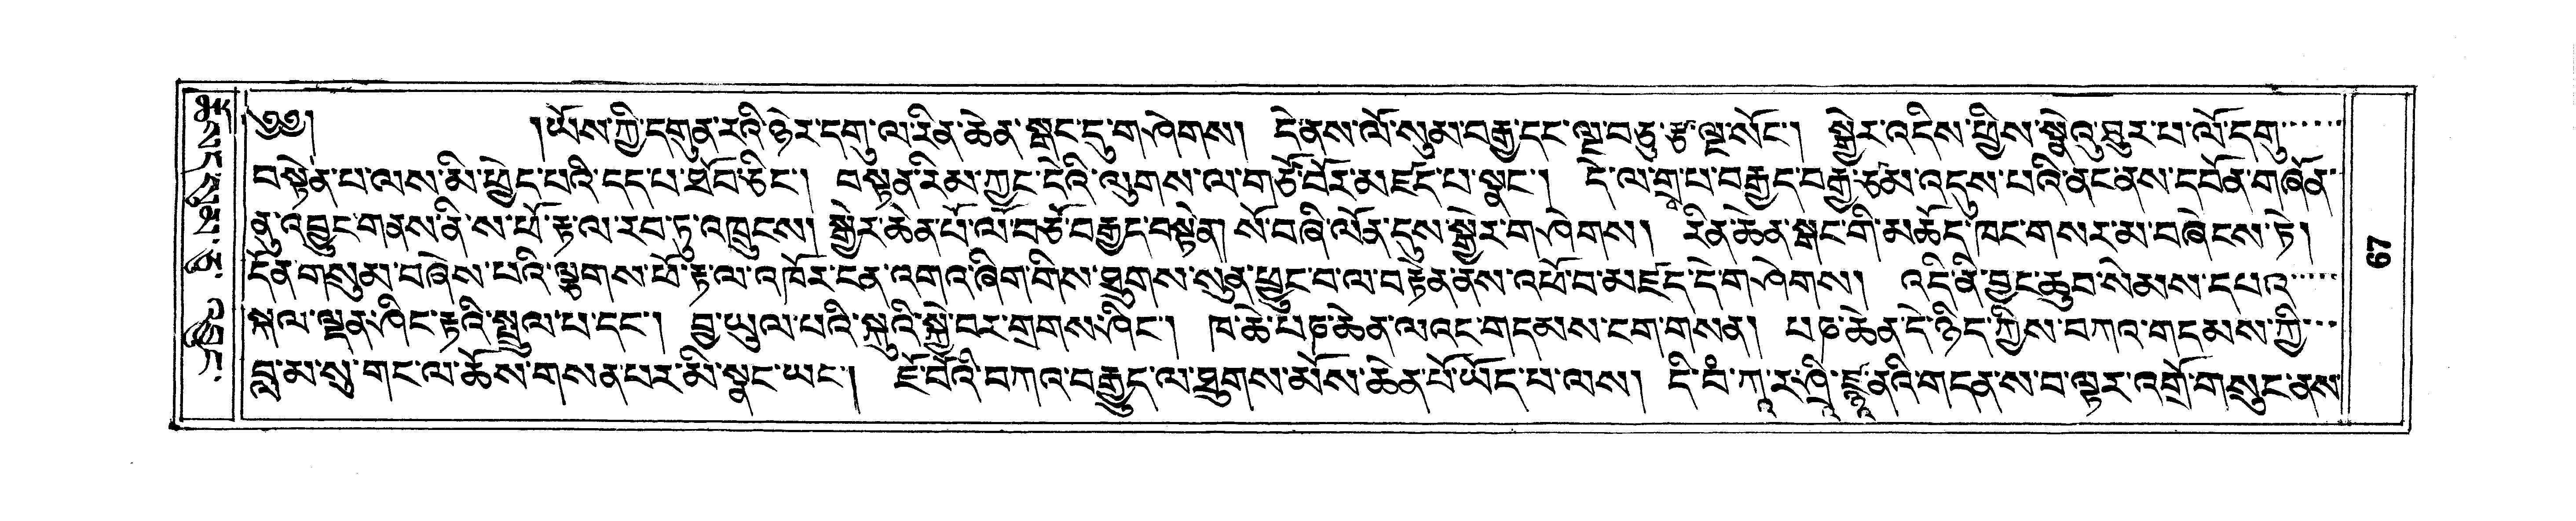༄༅། །ཡོས་ཀྱི་དགུན་རའི་ཉེར་དགུ་ལ་རིན་ཆེན་སྒང་དུ་གཤེགས། དེ་ནས་ལོ་སུམ་བརྒྱ་དང་ལྔ་བཅུ་རྩ་ལྔ་སོང་། སྒྱེར་འདིས་ཕྱིས་སྣེའུ་ཐུར་པ་ལོ་དགུ་
བསྟེན་པ་ལས་མི་ཕྱེད་པའི་དད་པ་ཐོབ་ཅིང་། བསྟན་རིམ་ཀྱང་དེའི་ལུགས་ལ་གཙོ་བོར་མཛད་པ་སྣང་། དེ་ལ་གྲྭ་པ་བརྒྱད་བརྒྱ་ཙམ་འདུས་པའི་ནང་ནས་དབོན་གཞོན་
ནུ་འབྱུང་གནས་ནི་ས་ཕོ་རྟ་ལ་རབ་ཏུ་འཁྲུངས། སྒྱེར་ཆེན་པོ་ལོ་བཅོ་བརྒྱད་བསྟེན། སོ་བཞི་ལོན་དུས་སྒྱེར་གཤེགས། རིན་ཆེན་སྒང་གི་མཆོད་ཁང་གསར་མ་བཞེངས་ཏེ།
དོན་གསུམ་བཞེས་པའི་ལྕགས་ཕོ་རྟ་ལ་འཁོར་ངན་འགའ་ཞིག་གིས་ཐུགས་སུན་ཕྱུང་བ་ལ་བརྟེན་ནས་འཕོ་བ་མཛད་དེ་གཤེགས། འདི་ནི་བྱང་ཆུབ་སེམས་དཔའ་
སྐལ་ལྡན་ཤིང་རྟའི་སྤྲུལ་པ་དང་། བྱ་ཡུལ་པའི་སྐུའི་སྐྱེ་བར་གྲགས་ཤིང་། ཁ་ཆེ་པཎ་ཆེན་ལའང་གདམས་ངག་གསན། པཎ་ཆེན་དེ་ཉིད་ཀྱིས་བཀའ་གདམས་ཀྱི་
བླ་མ་སུ་གང་ལ་ཆོས་གསན་པར་མི་སྣང་ཡང་། ཇོ་བོའི་བཀའ་བརྒྱུད་ལ་ཐུགས་མོས་ཆེན་པོ་ཡོད་པ་ལས། དི་བཾ་ཀཱ་ར་ཤྲཱི་ཛྙཱ་ནའི་གདན་ས་བ་ལྟར་འགྲོ་གསུང་ནས་